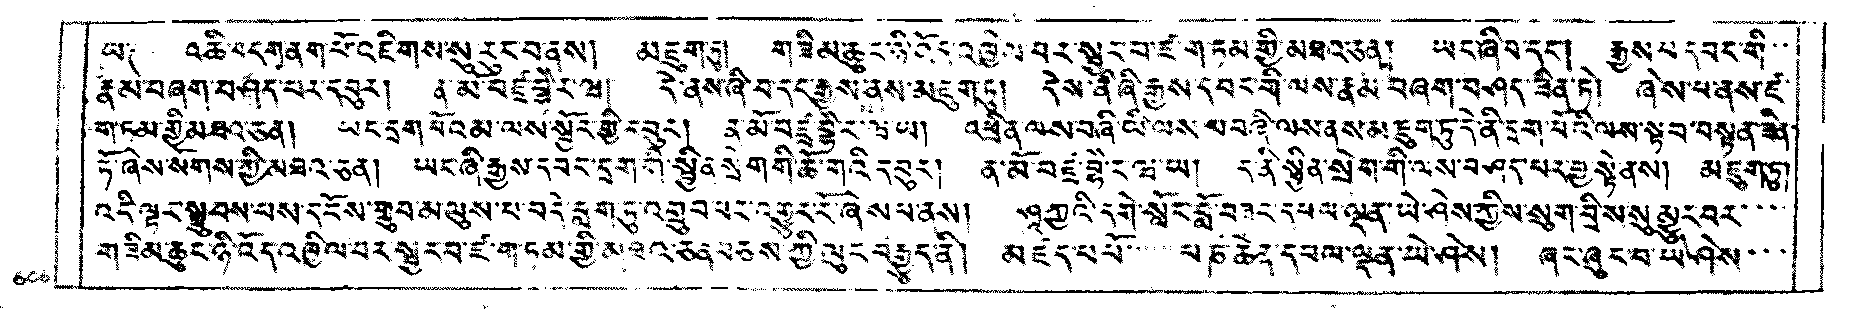ཡ༑ འཆི་བདག་ནག་པོ་འཇིགས་སུ་རུང་བ་ནས། མཇུག་ཏུ། གཟིམ་ཆུང་ཉི་འོད་འཁྱིལ་བར་སྦྱར་བ་ཛ་ག་ཏམ་གྱི་མཐའ་ཅན། ཡང་ཞི་བ་དང་། རྒྱས་པ་དབང་གི་
རྣམ་བཞག་བཤད་པར་དབུར། ན་མོ་བཛྲ་བྷཻ་ར་ཝ། དེ་ནས་ཞི་བ་དང་རྒྱས་པ་ནས་མཇུག་ཏུ། དེས་ནི་ཞི་རྒྱས་དབང་གི་ལས་རྣམ་བཞག་བཤད་ཟིན་ཏེ། ཞེས་པ་ནས་ཛ་
ག་ཏམ་གྱི་མཐའ་ཅན། ཡང་དྲག་པོའམ་ལས་སྦྱོར་གྱི་དབུར། ན་མོ་བཛྲ་བྷཻ་ར་ཝ་ཡ། འཕྲིན་ལས་བཞི་ཡི་ལས་ལ་བཞི་ལས་ནས་མཇུག་ཏུ་དེ་ནི་དྲག་པོའི་ལས་སྟབ་བསྟན་ཟིན་
ཏོ་ཞེས་སོགས་ཀྱི་མཐའ་ཅན། ཡང་ཞི་རྒྱས་དབང་དྲག་གི་སྦྱིན་སྲེག་གི་ཆོ་གའི་དབུར། ན་མོ་བཛྲ་བྷཻ་ར་ཝ་ཡ། ད་ནི་སྦྱིན་སྲེག་གི་ལས་བཤད་པར་བྱ་སྟེ་ནས། མཇུག་ཏུ།
འདི་ལྟར་སྒྲུབས་པས་དངོས་གྲུབ་མ་ལུས་པ་བདེ་བླག་ཏུ་འགྲུབ་པར་འགྱུར་རོ་ཞེས་པ་ནས། ཤཱཀྱའི་དགེ་སློང་བློ་བཟང་དཔལ་ལྡན་ཡེ་ཤེས་ཀྱིས་སུག་བྲིས་སུ་མྱུར་བར་
གཟིམ་ཆུང་ཉི་འོད་འཁྱིལ་བར་སྦྱར་བ་ཛ་ག་ཏམ་གྱི་མཐའ་ཅན་བཅས་ཀྱི་ལུང་བརྒྱུད་ནི། མཛད་པ་པོ་པཎ་ཆེན་དཔལ་ལྡན་ཡེ་ཤེས། ཞང་ཞུང་བ་ཡེ་ཤེས་